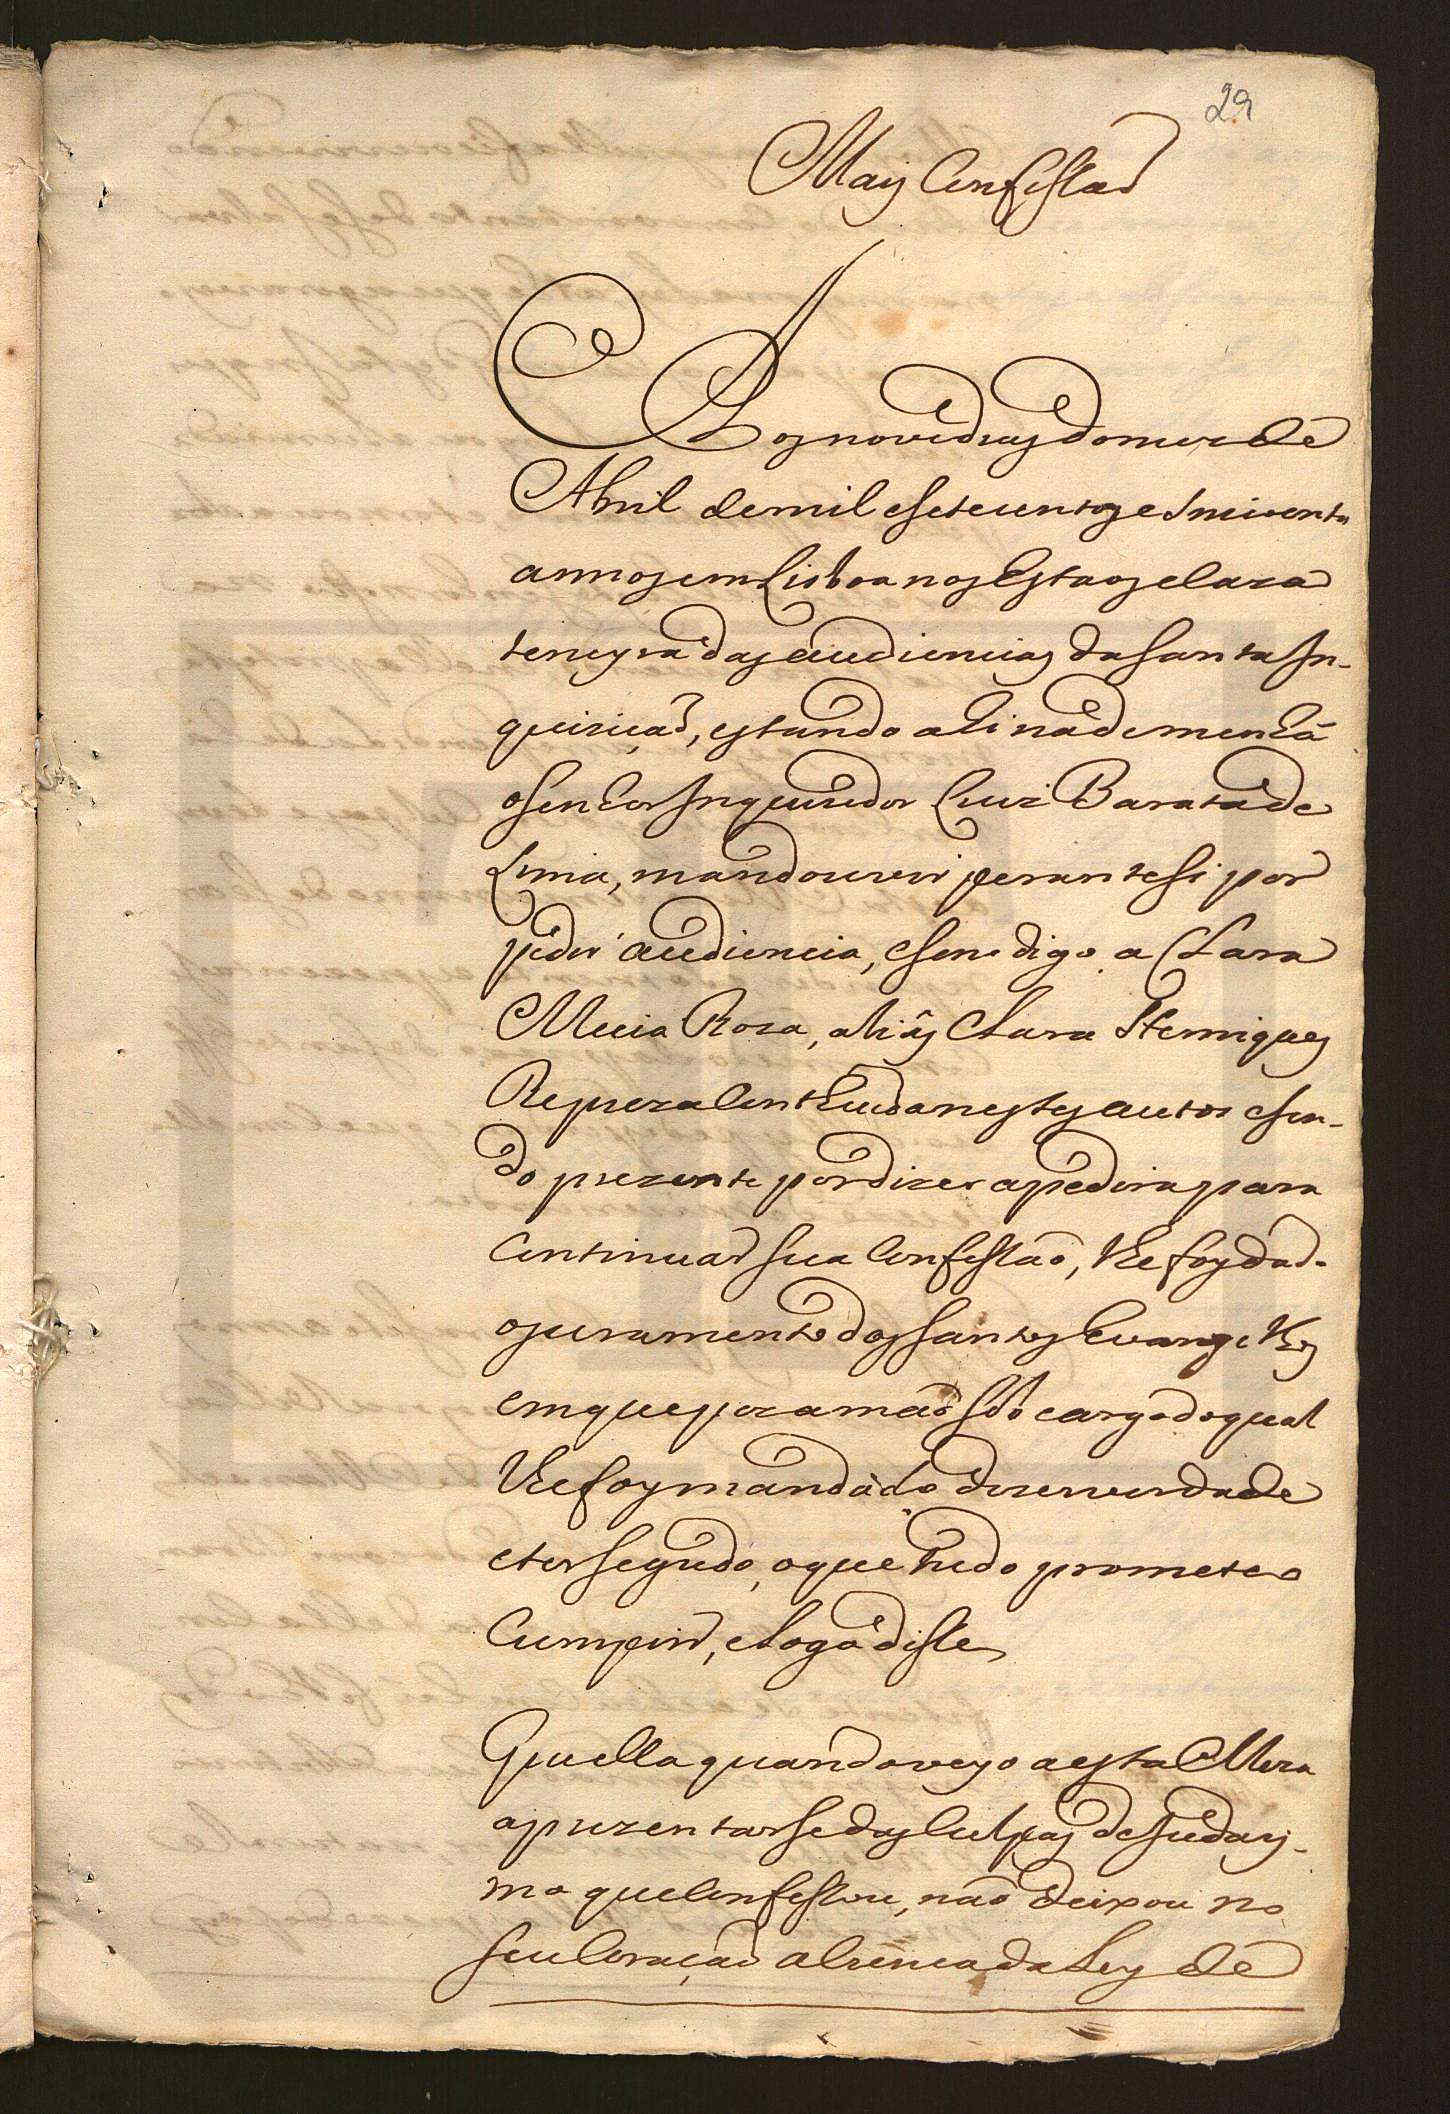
Mais confissaõ
Aos nove dias do mez de
Abril de mil e setecentos e snicoenta
annos em Lisboa nos Estaos e caza
terceyra das audiencias da santa Jn
quiziçaõ, estando ahi na de menhã
o senhor Jnquizidor Luiz Barata de
Lima, mandou vir perante si por
pedir audiencia, e sen digo a CLara
Mecia Roza, aliás cLara Henriqes
Re preza contheuda nestes autos e sen
do prezente por dizer a pedira para
contiuar sua confissaõ, lhe foy dado
o juramento dos santos Evangelhos
em que poz a maõ sob cargo do qual
lhe foy mandado dizer verdade
e ter segredo, o que tudo prometeo
Cumprir, e logo disse
Que ella quando veyo a esta Meza
aprezentarse das Culpas de Judais
mo que confessou, naõ deixou no
seu Coraçaõ a Crenca da Ley de
